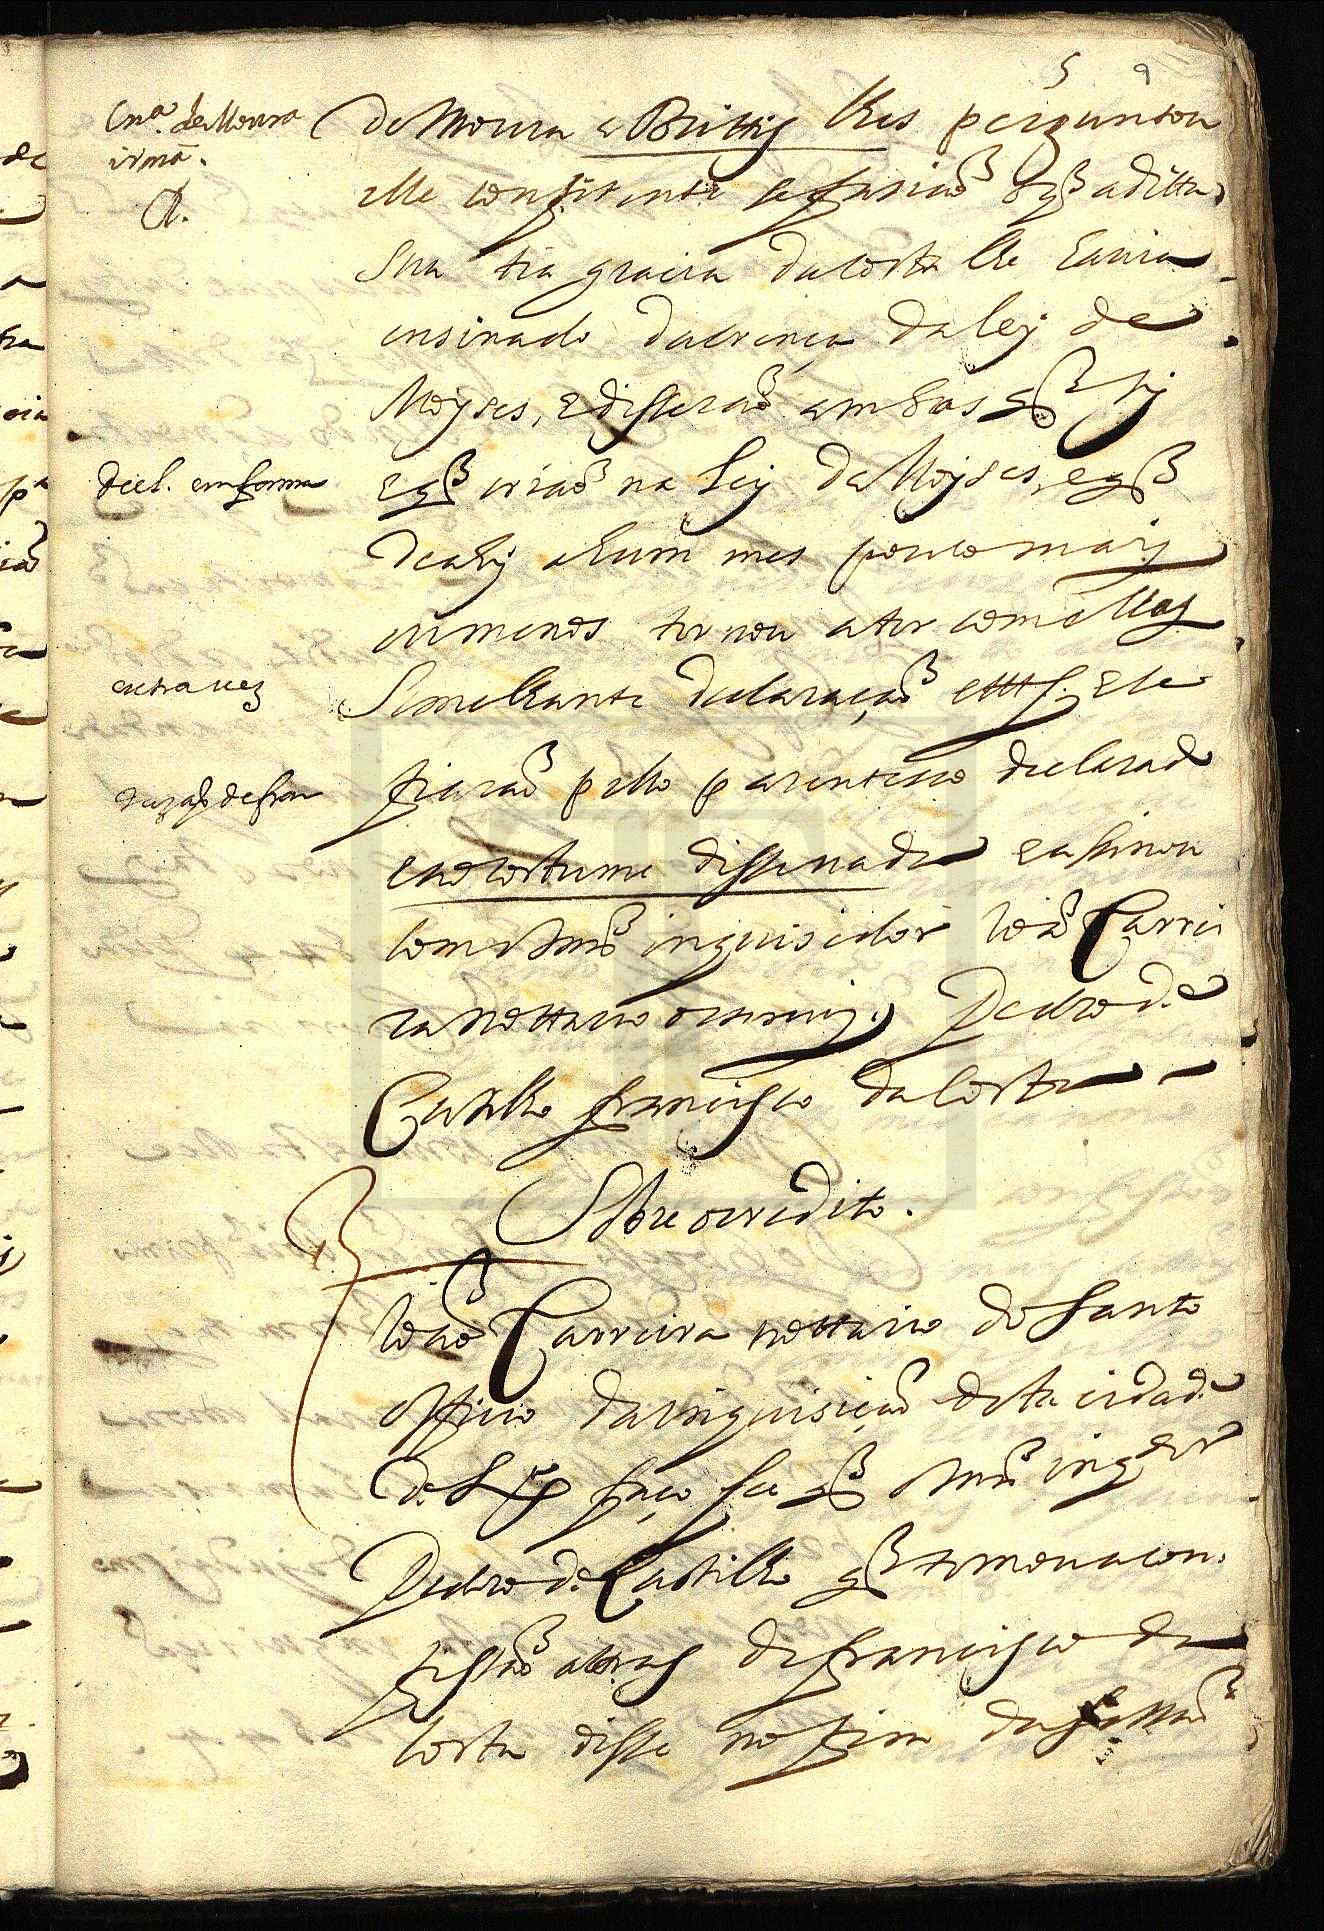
Cn.a de Moura
irmã.
R.
decl. em forma
outra uez
razaõ de fiar
de Moura e Brittis lhes perguntou
elle confitente se faziaõ o q̄ a ditta
sua tia gracia da costa lhe hauia
ensinado da crença da ley de
Moyses, E disseraõ ambas q̄ sy
E q̄ criaõ na Ley de Moyses, e q̄
de ahy a hum mes pouco mais
ou menos tornou a ter com ellas
semelhante declaraçaõ etttꝭ. E se
fiaraõ pello parentesco declarado
e no costume disse nada e assinou
com o snr̄ inquisidor Ioaõ Carrei
ra nottario o escreuj. Pedro de
Catilho francisco da Costa
Sobre o credito.
Ioão Carreira nottario do santo
officio da inquisição desta cidade
de Lxa faço fee q̄ o snro inqdor
Pedro do Castilho q̄ tomou a con
fissão attras de francisco da
costa disse no fim da sessaõ
